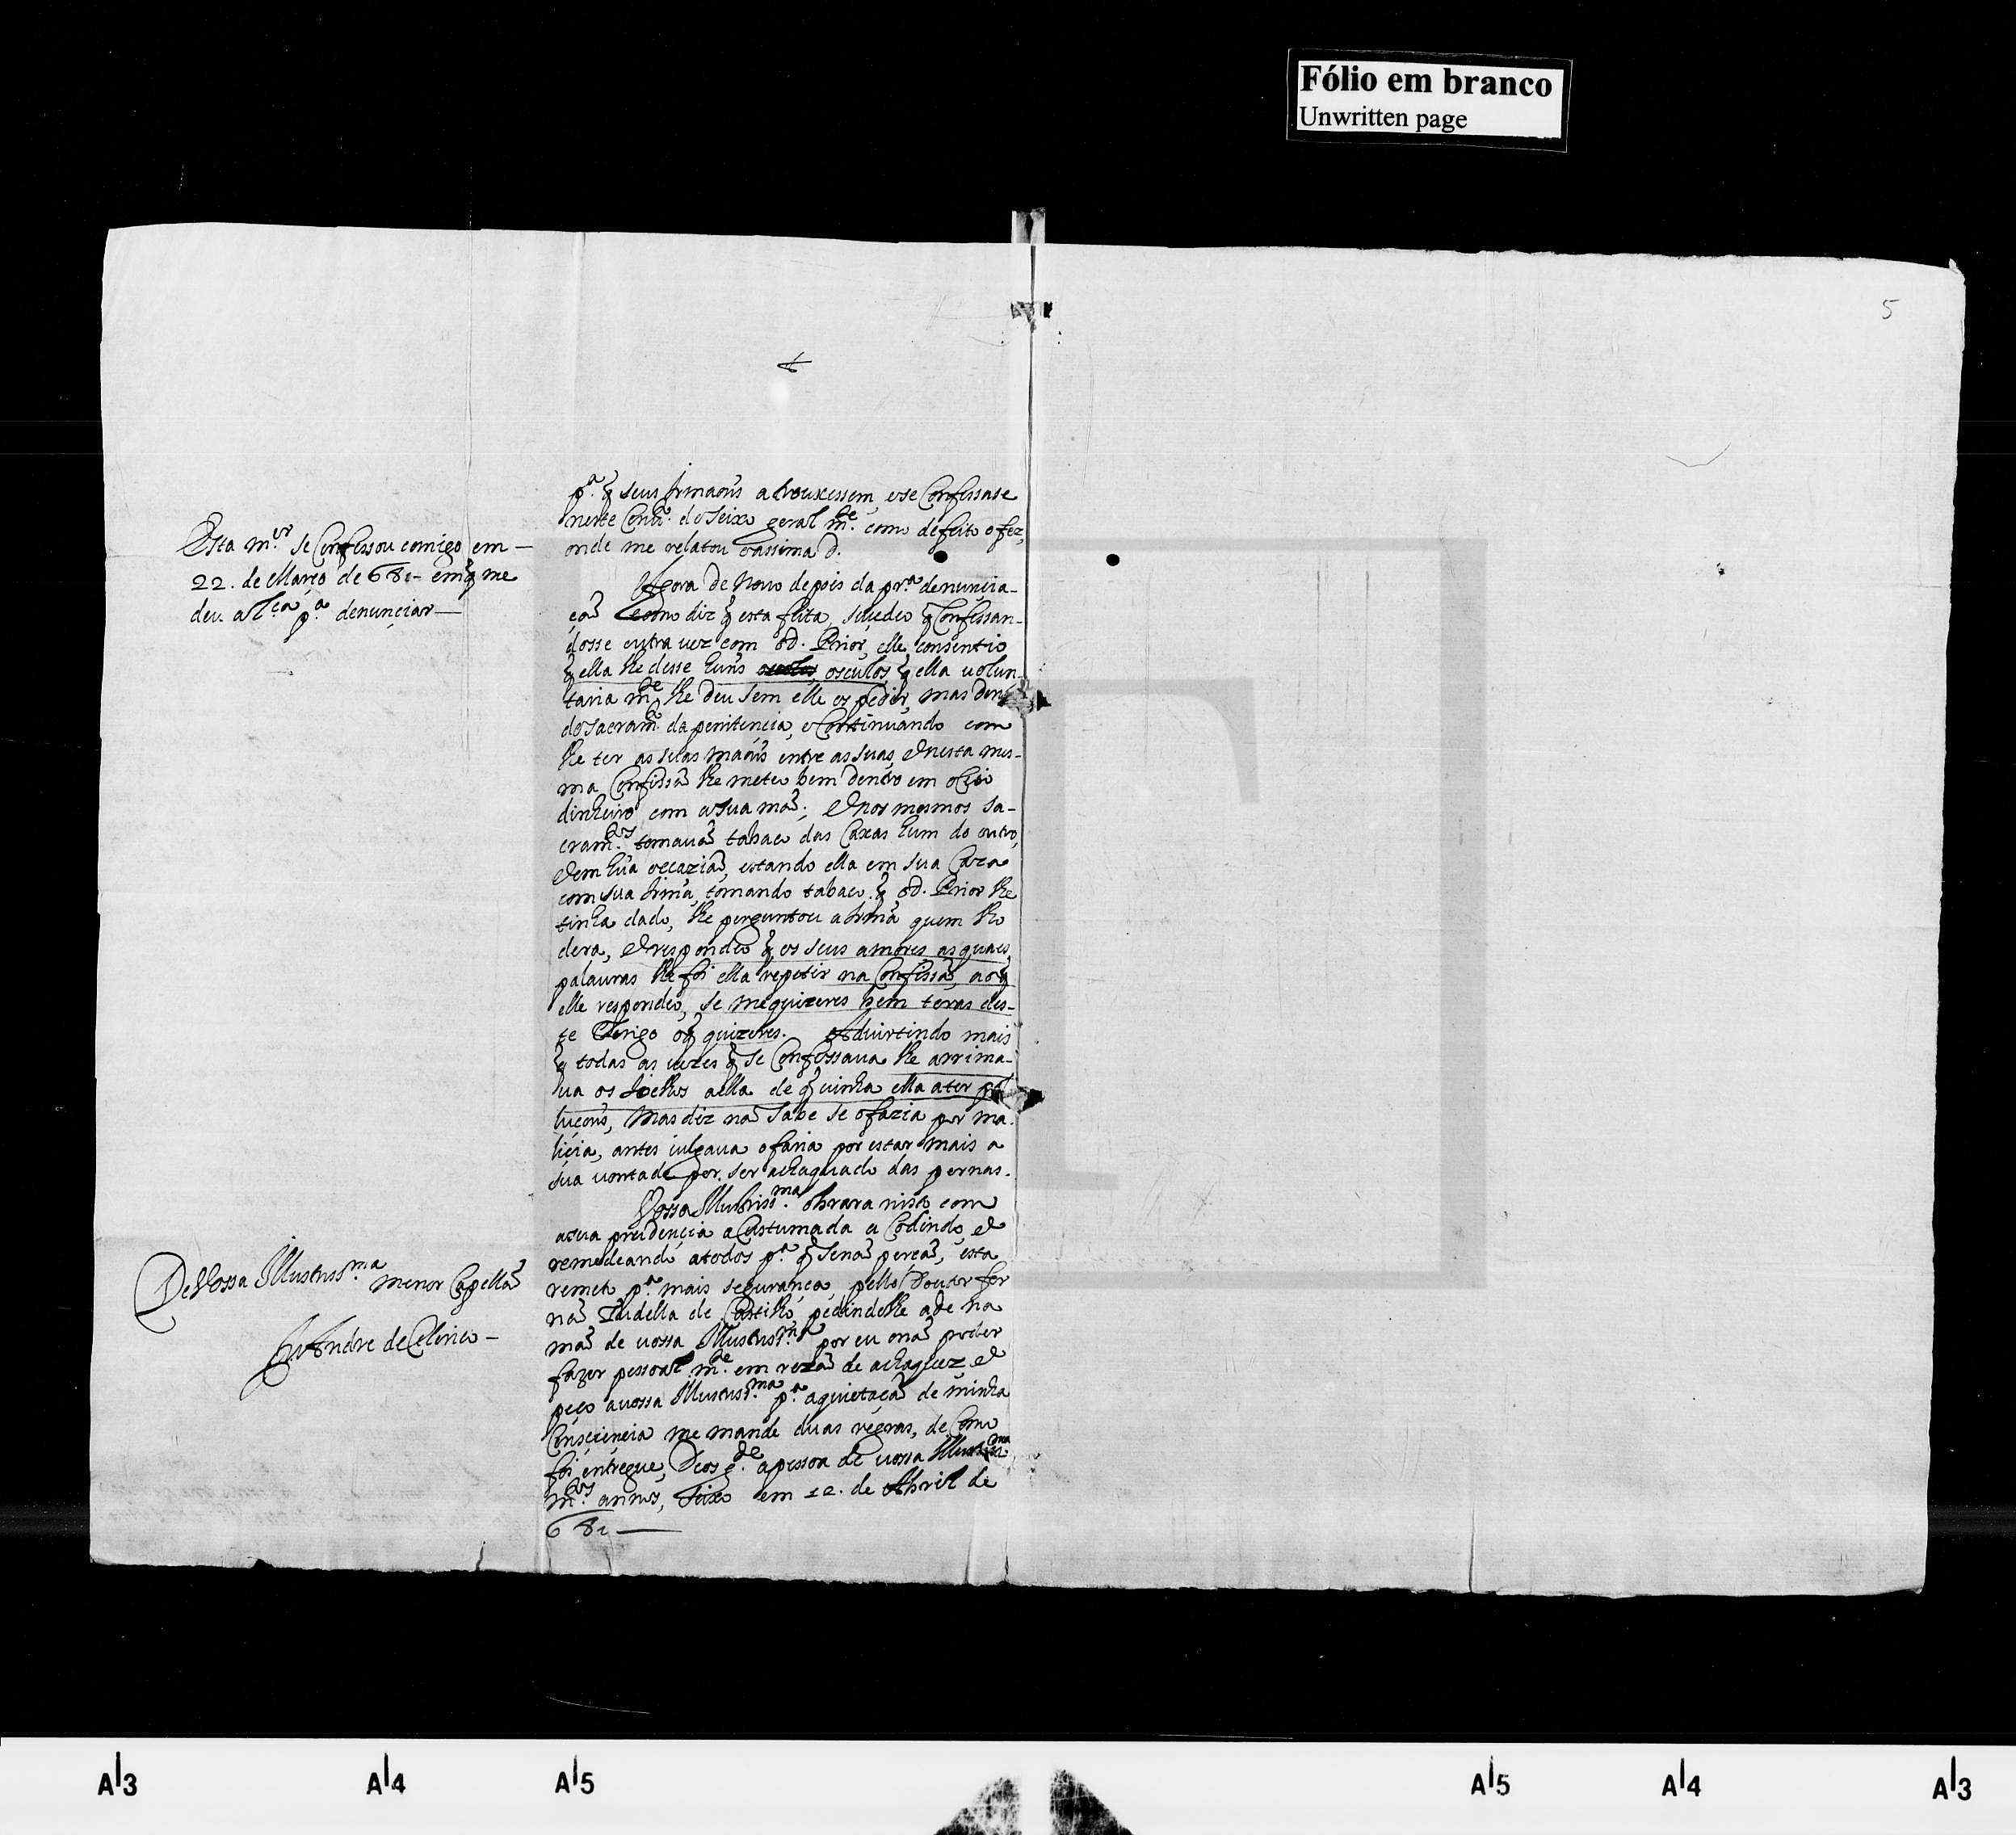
Esta m.er se Confessou comigo em
22. de Março de 681 - em q̄ me
deu a L.ca p.a denunciar
De Vossa Illustriss.ma menor Capellaõ
fr Andre de Celorico
pa q̄ seus Irmaõns a trouxessem, e se Confessase
neste Conuto. de seixo geralmte. como de feito o fez,
onde me relatou o assima d.
Agora de nouo depois da pr.a denuncia
çaõ como diz q̄ esta feita, sucedeo q̄ Confessan
dosse outra uez com o d. Prior, elle consentio
q̄ ella lhe desse hun̄s occolos, osculos, q̄ ella uolun
tariamte lhe deu sem elle os pedir, mas don
do sacramto da penitencia, e Continuando com
lhe ter as suas maons̄ entre as suas, e nesta mes
ma Confissaõ lhe meteo bem dentro em o Ceio
dinheiro com a sua maõ; e nos mesmos sa
cram.tos tomauaõ tabaco das Caxas hum do outro,
e em hūa occaziaõ, estando ella em sua Caza
com sua Irmã, tomando tabaco q̄ o d. Prior lhe
tinha dado, lhe perguntou a Irmã quem lho
dera, e respondeo q̄ os seus amores as quaes
palauras lhe foi ella repetir na Confissaõ, ao q̄
elle respondeo, se me quizeres bem teras des
te clerigo o q̄ quizeres. Aduirtindo mais
q̄ todas as uezes q̄ se Confessaua lhe arrima
ua os Ioelhos a ella de q̄ uinha ella a ter pol
luçons̄, mas diz naõ sabe se o fazia por ma
licia, antes iulgaua o faria por estar mais a
sua uontade por ser achaquado das pernas.
Vossa Illustriss.ma obrara nisto com
a sua prudencia aCustumada aCodindo, e o
remedeando a todos p.a q̄ se naõ percaõ, esta
remeto p.a mais segurança, pello Doutor fer
naõ Tudella de Castilho, pedindolhe a de na
maõ de uossa Illustriss.ma por eu o naõ poder
fazer pessoalm.te em rezaõ de achaquez, e o
peço a uossa Illustriss.ma p.a aquietaçaõ de minha
Consciencia me mande duas regras, de Como
foi entregue, Deos g.de a pessoa de uossa Illustriss.ma
m.tos annos, Seixo em 12. de Abril de
682
